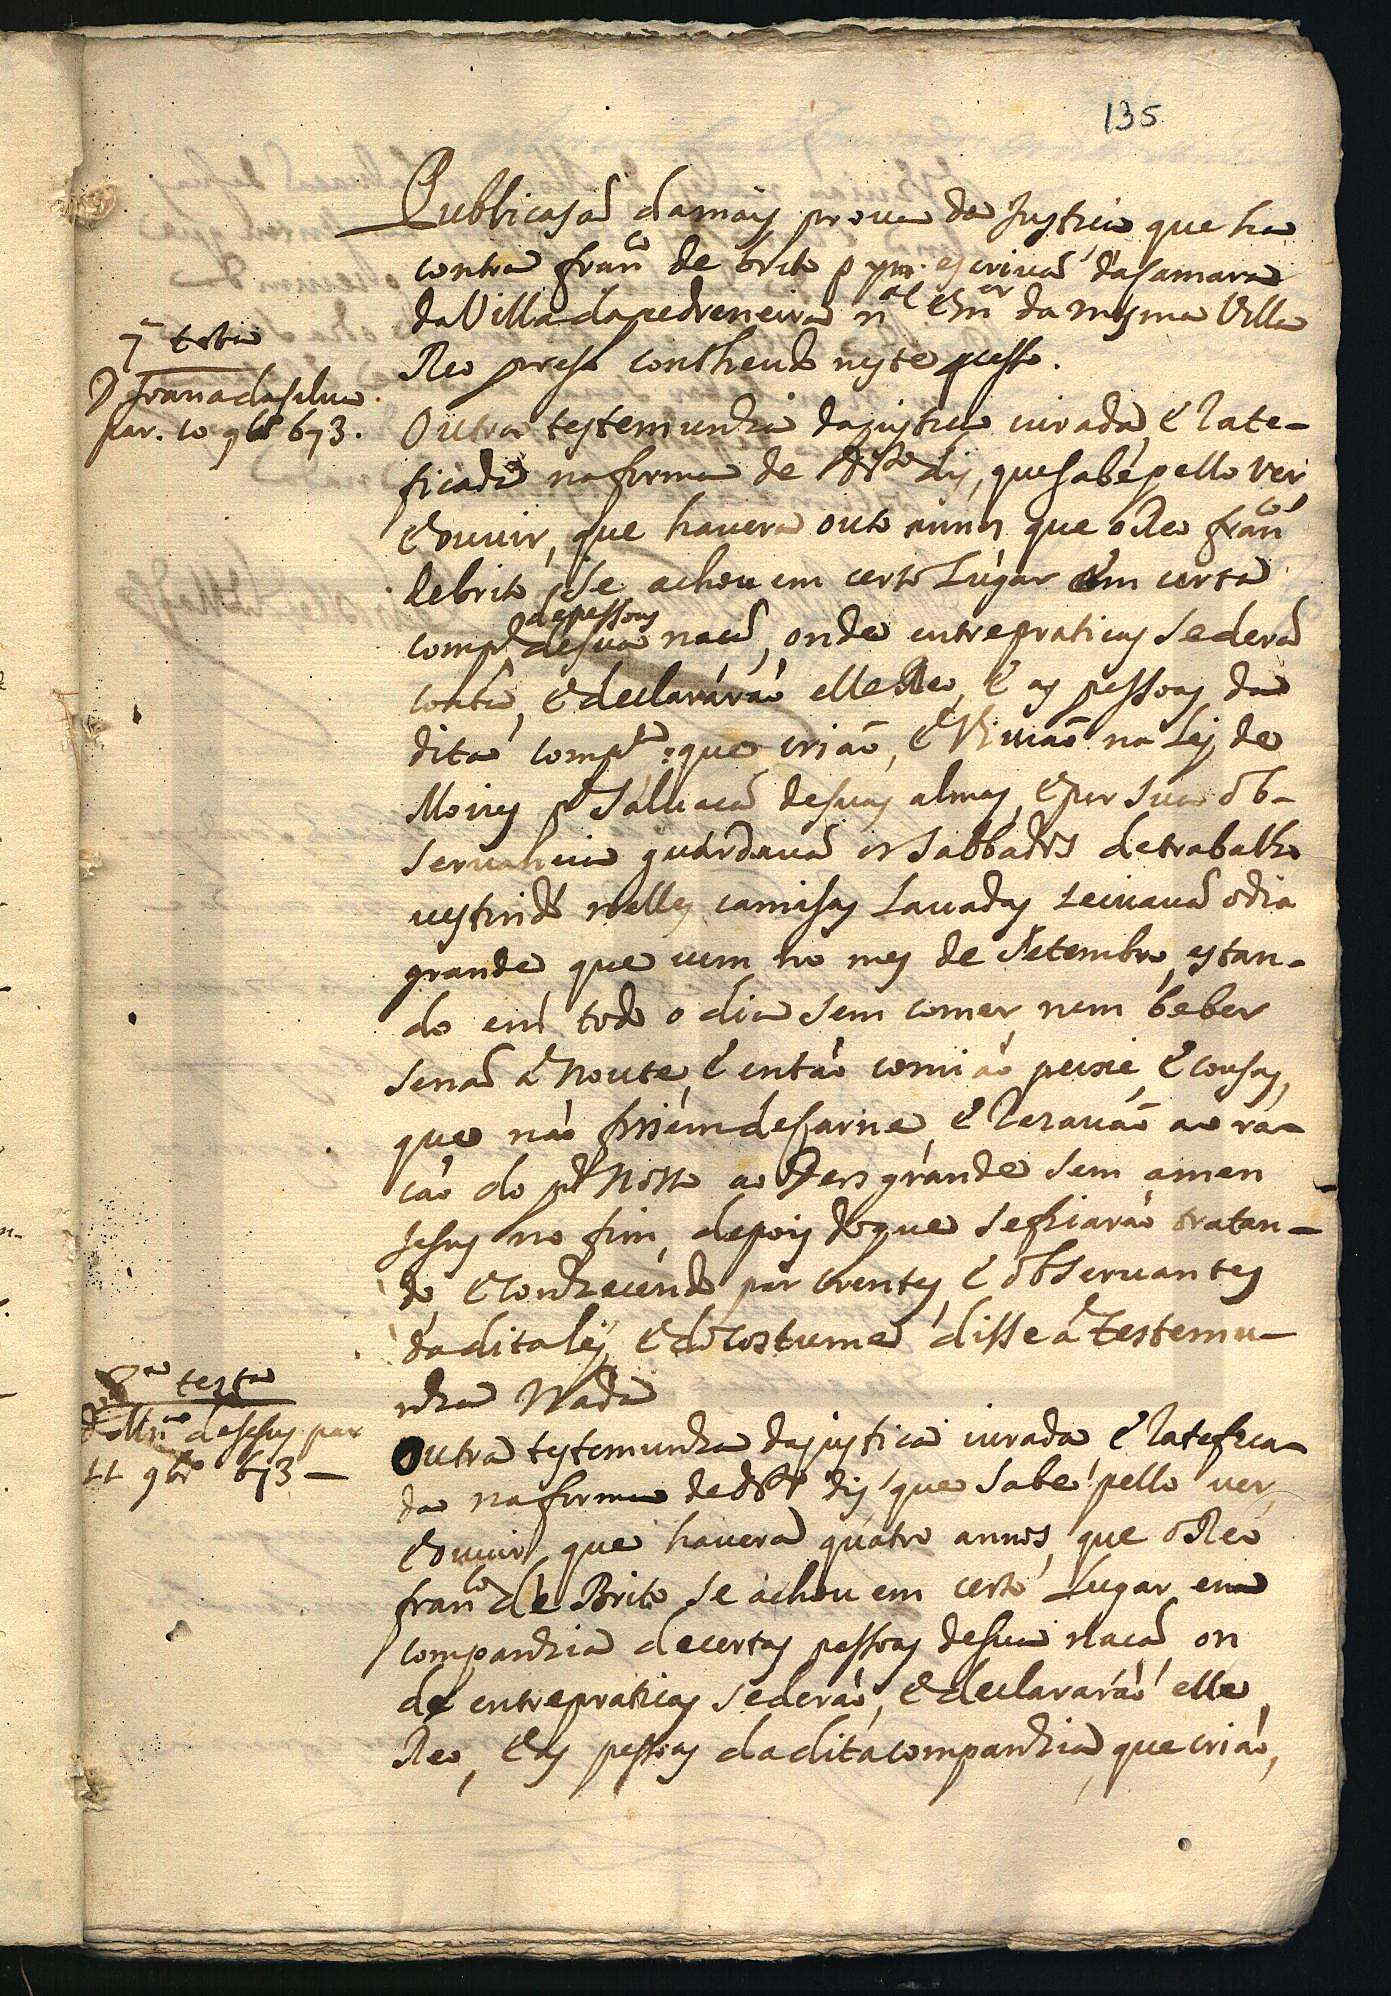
Publicasaõ da mais proua da Justiça que ha
contra franco de brito p xn. escriuaõ da Camara
da Villa da pedreneira nal E mor da mesma Villa
7a testa
D Joana da silua
par. 10 9bro 673.
Reo preso contheudo neste ꝓcesso.
Outra testemunha da justiça iurada, e Rate
ficada na forma de drto dis, que sabe pello ver,
E ouuir, que hauera outo annos que o Reo franco
de brito se achou em certo Lugar em certa
compa
de pessoas
de sua naçaõ, onde entre praticas se deraõ
conta, E declararão elle Reo, E as pessoas da
dita compa que criaõ, E Viuiaõ na Lej de
Moizes pa saluaçaõ de suas almas, E por sua ob
seruancia guardauaõ os sabbados de trabalho
uestindo nelles camisas Lauadas ieiuauaõ o dia
grande, que uem no mes de Setembro, estan
do em todo o dia sem comer nem beber
senaõ á noute, e entaõ comião peixe, e cousas
que não fossem de Carne, e Rezauaõ a ora
ção do pe nosso ao Deos grande sem amen
Jesus no fim, depois do que se ficaraõ tratan
do, E conhecendo por crentes, e obseruantes
da dita lej, E do costume disse a testemu
nha nada
8a testa
D Mna de jesus par
11 9bro 673 -
Outra testemunha da justiça iurada, e Ratefica
da na forma de drto dis que sabe pello uer
e ouuir que hauera quatro annos, que o Reo
franco de Brito se achou em certo Lugar em
companhia de certas pessoas de sua naçaõ, on
de entre praticas se derão, e declararaõ elle
Reo, E as pessoas da dita companhia que criaõ,
